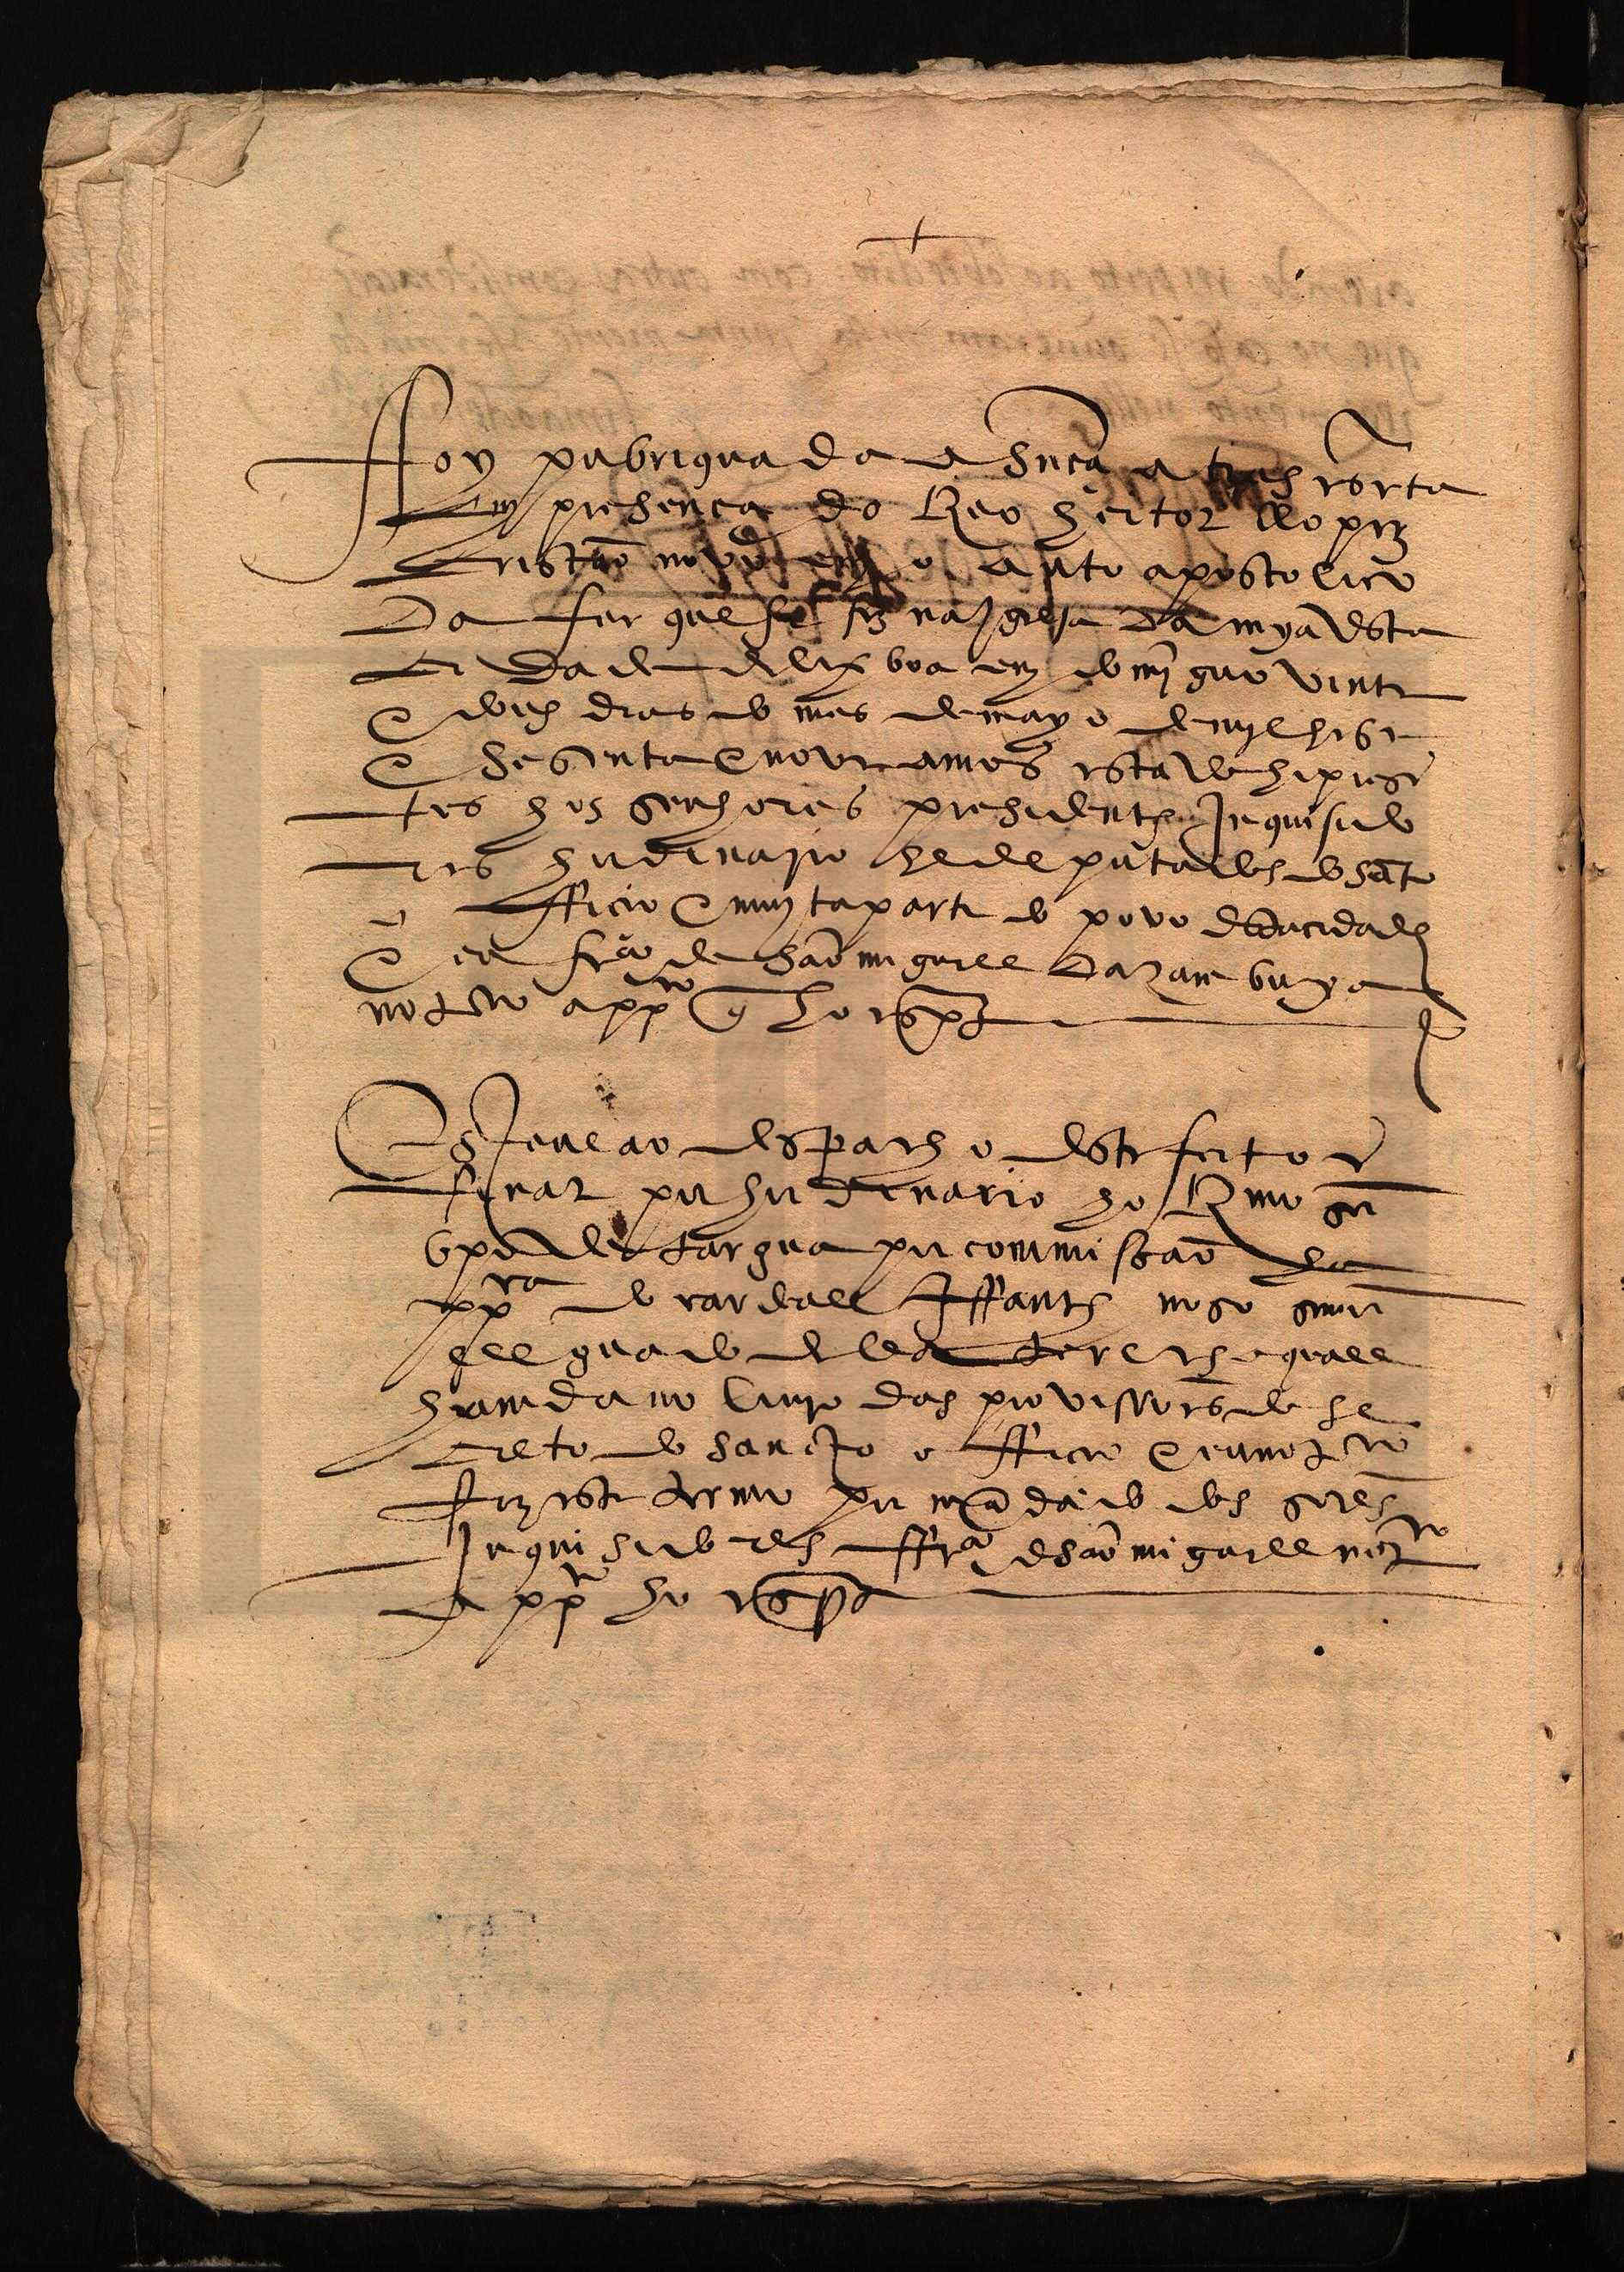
ffoy pubriquada a s̄nça atras esc̄ta
em presença do Reo heitor llopez
cristão novo em o auto apostolico
Da fee que se fez na jgreja da myā desta
cidade de lixboa em domj̄guo vinte
e dous dias do mes de mayo de mjl he bc
e sesenta e nove annos estādo hi presē
tes hos senhores presidentꝭ Jnquisido
res E ordinario he deputados do sāto
officio e mujta parte do povo desta cidade
e eu frco de são miguell Dazambuya
notro appco q̄ ho esp̄j
Esteue ao despacho deste feito ē
finaL por hordinario ho Rmo sor̄
bpo de targua por commissaõ ha
ppca do cardeall Jffantꝭ noso snor̄
lleguado de llatere cꝭ o quall
hamda no liuro das provissoẽs do se
creto do sancto officio e eu notro
fiz este termo por mādado dos sorēs
Jnquisidores ffrco de saõ miguell notro
appco ho esp̄i
